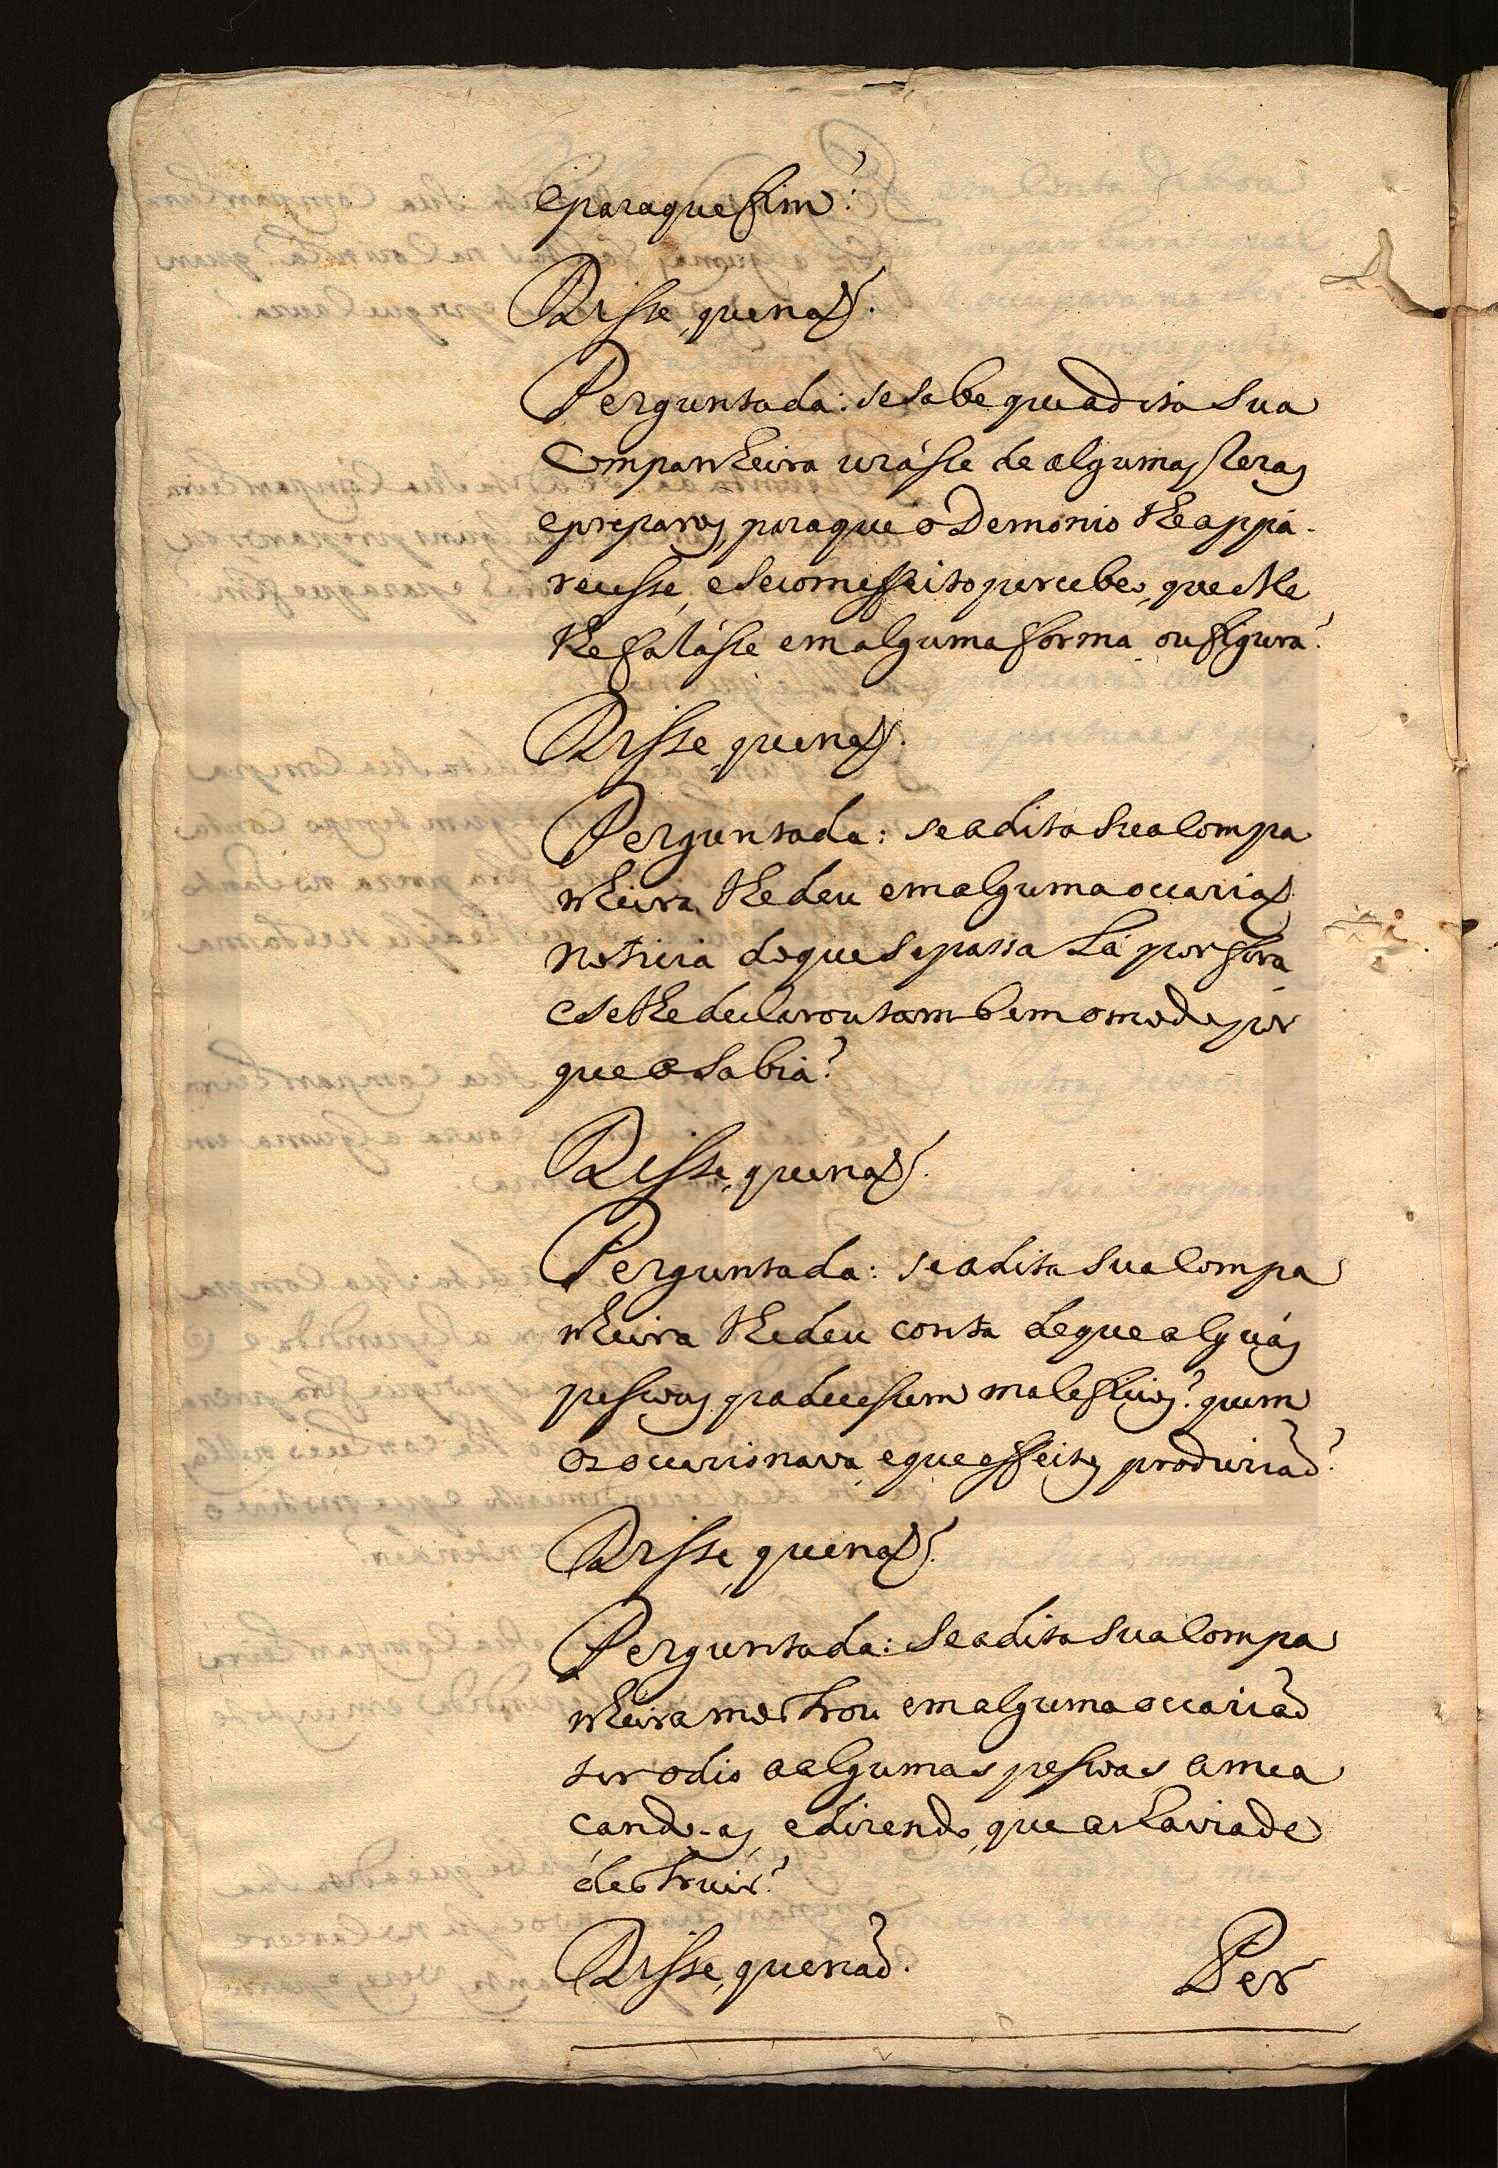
e para que fim?
Disse, que naõ.
Perguntada: se sabe que a dita sua
Companheira uzasse de algumas Rezas
e preparos, para que o Demonio lhe appa
recesse, e se com effeito percebeo, que elle
lhe falasse em alguma forma, ou figura?
Disse, que naõ.
Perguntada: se a dita sua compa
nheira lhe deu em alguma occaziaõ
noticia do que se passa Lá por fora,
e se lhe declarou tambem o modo por
que o sabia?
Disse, que naõ.
Perguntada: se a dita sua compa
nheira lhe deu conta de que alguās
pessoas padecessem maleficios? quem
os occazionava, e que effeitos produziaõ?
Disse, que naõ.
Perguntada: se a dita sua compa
nheira mostrou em alguma occaziaõ
ter odio a algumas pessoas amea
çando-as, e dizendo, que as havia de
destruir?
Disse, que naõ.
Per
